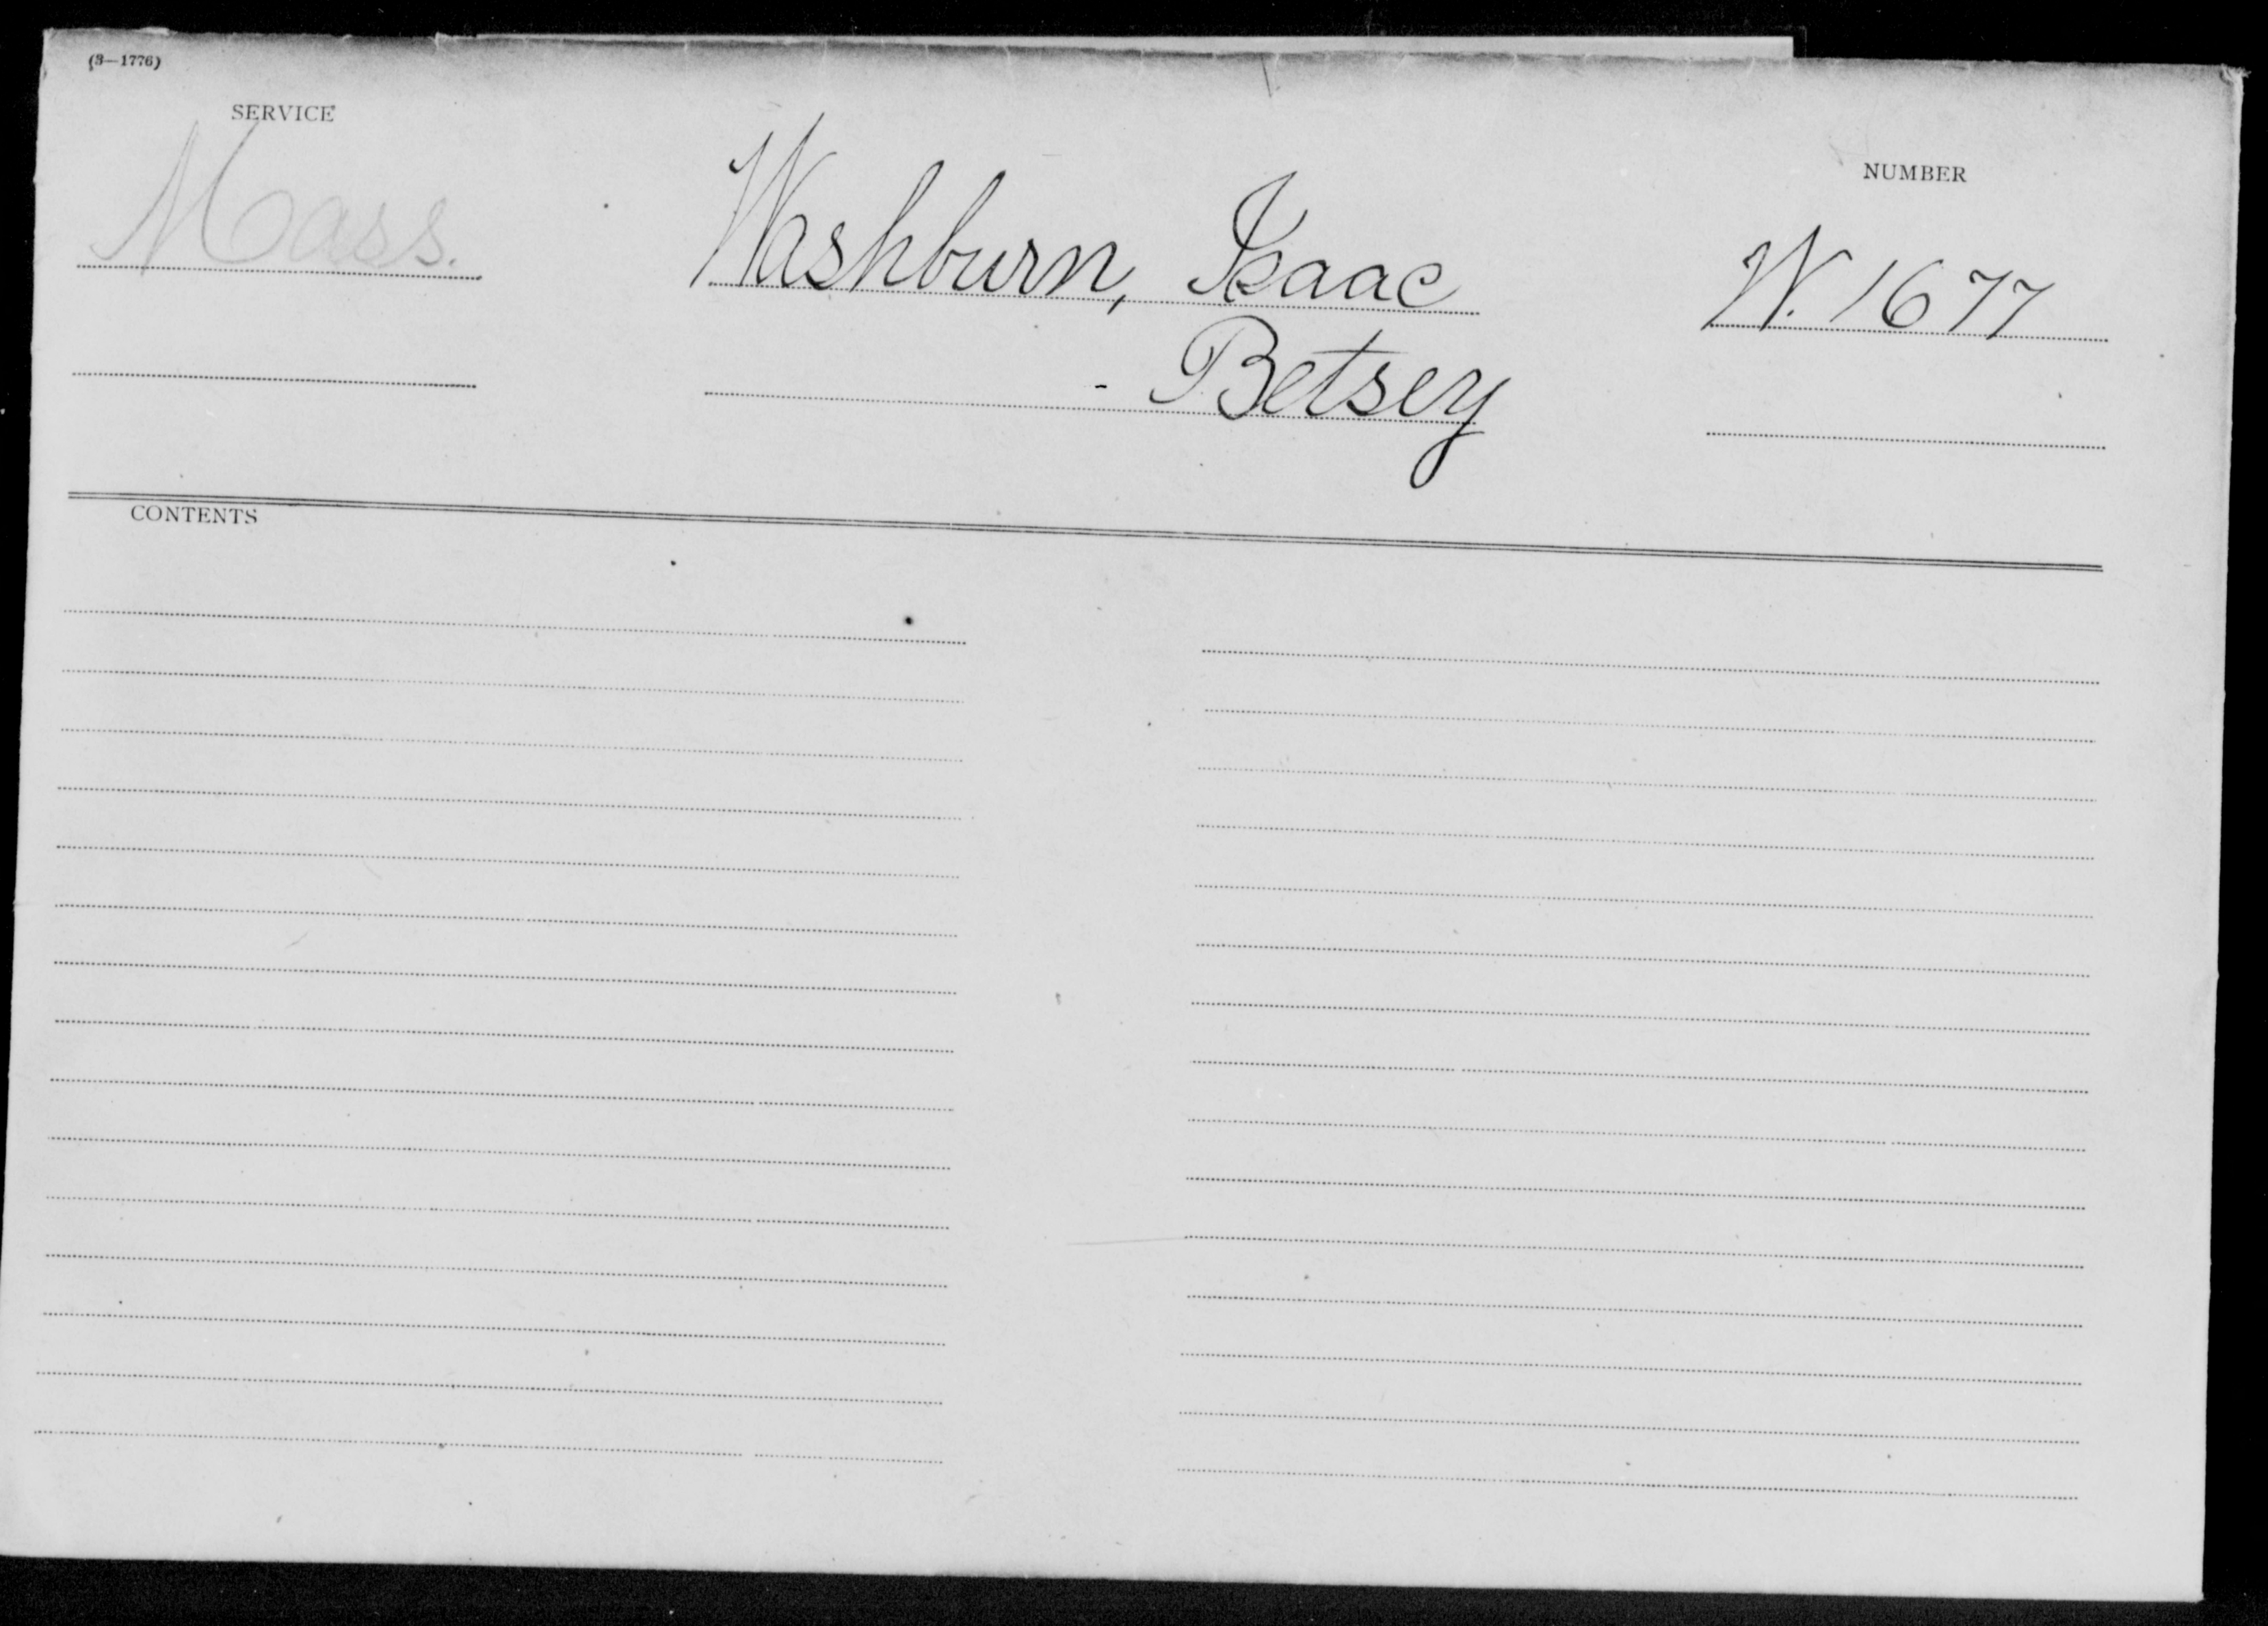Service
Mass

Washburn, Isaac
       Betsey

Number
W. 1677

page: 1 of 34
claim: widow's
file: W. 1677, Isaac Washburn, Mass.